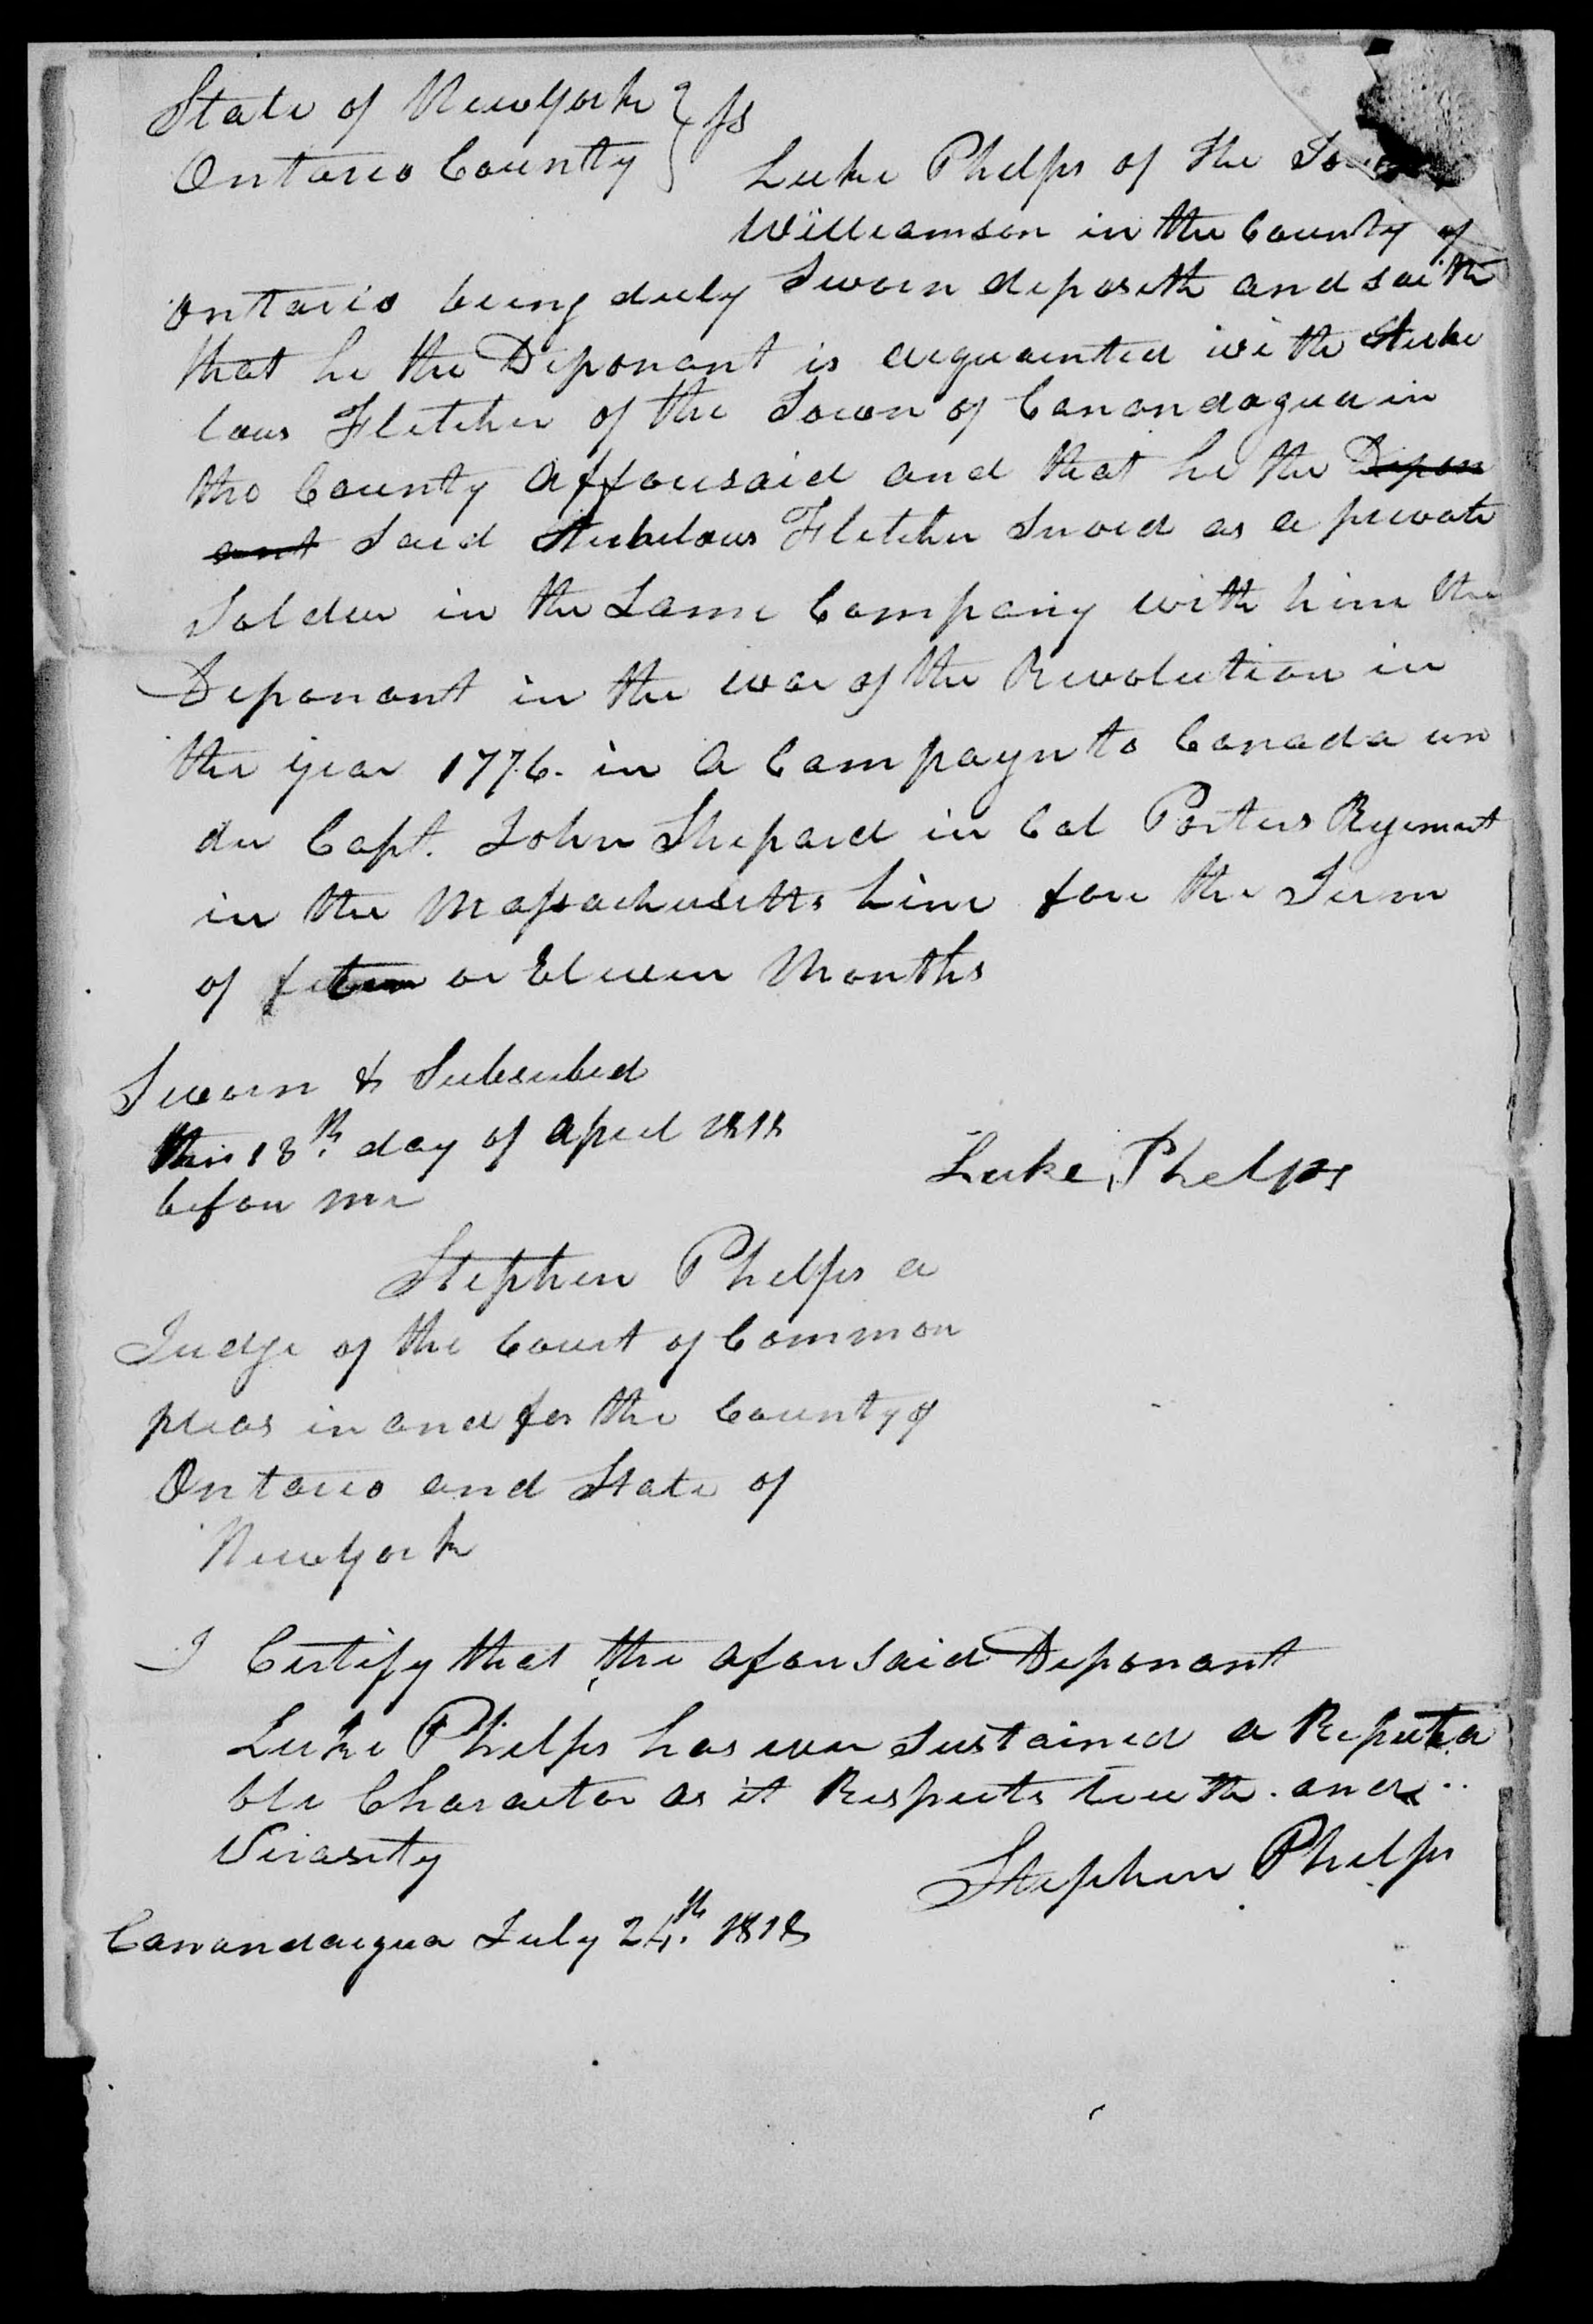State of New York} 
Ontario County} JS

Luke Phelps of the [illegible due to hole, probably says “town of”] Williamson in the county of Ontario being duly sworn deposith and saith that he the deponent is acquainted with the Archelaus Fletcher of the town of Canandagua in the county aforesaid and that he Nu [crossed out illegible] said Archelaus Fletcher served as a private soldier in the Same Company with him the deponant in the war of the Revolution in the year 1776 in a campayn to Canada in [illegible] Capt. John Sheparel in Col Porters Regiment in the Massachusetts Line for the term of [illegible] or [illegible] months

Luke Phelps

Sworn & Subscribed
This 18th day of April 1818 before me Stephen Phelps a judge of the Court of Common Pleas in and for the County of Ontario and State of New York 

I certify that the aforesaid deponent Luke Phelps has ever sustained a reputable character as it respects truth and veracity   

Stephen Phelps 

Canandaigua July 24th, 1818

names: Archelaus Fletcher, Archelaus Fletcher, Stephen Phelps, Stephen Phelps, Luke Phelps, Luke Phelps, John Shepard, Luke Phelps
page: 17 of 18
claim: survivor's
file: S. 44822, Archelaus Fletcher, Mass.